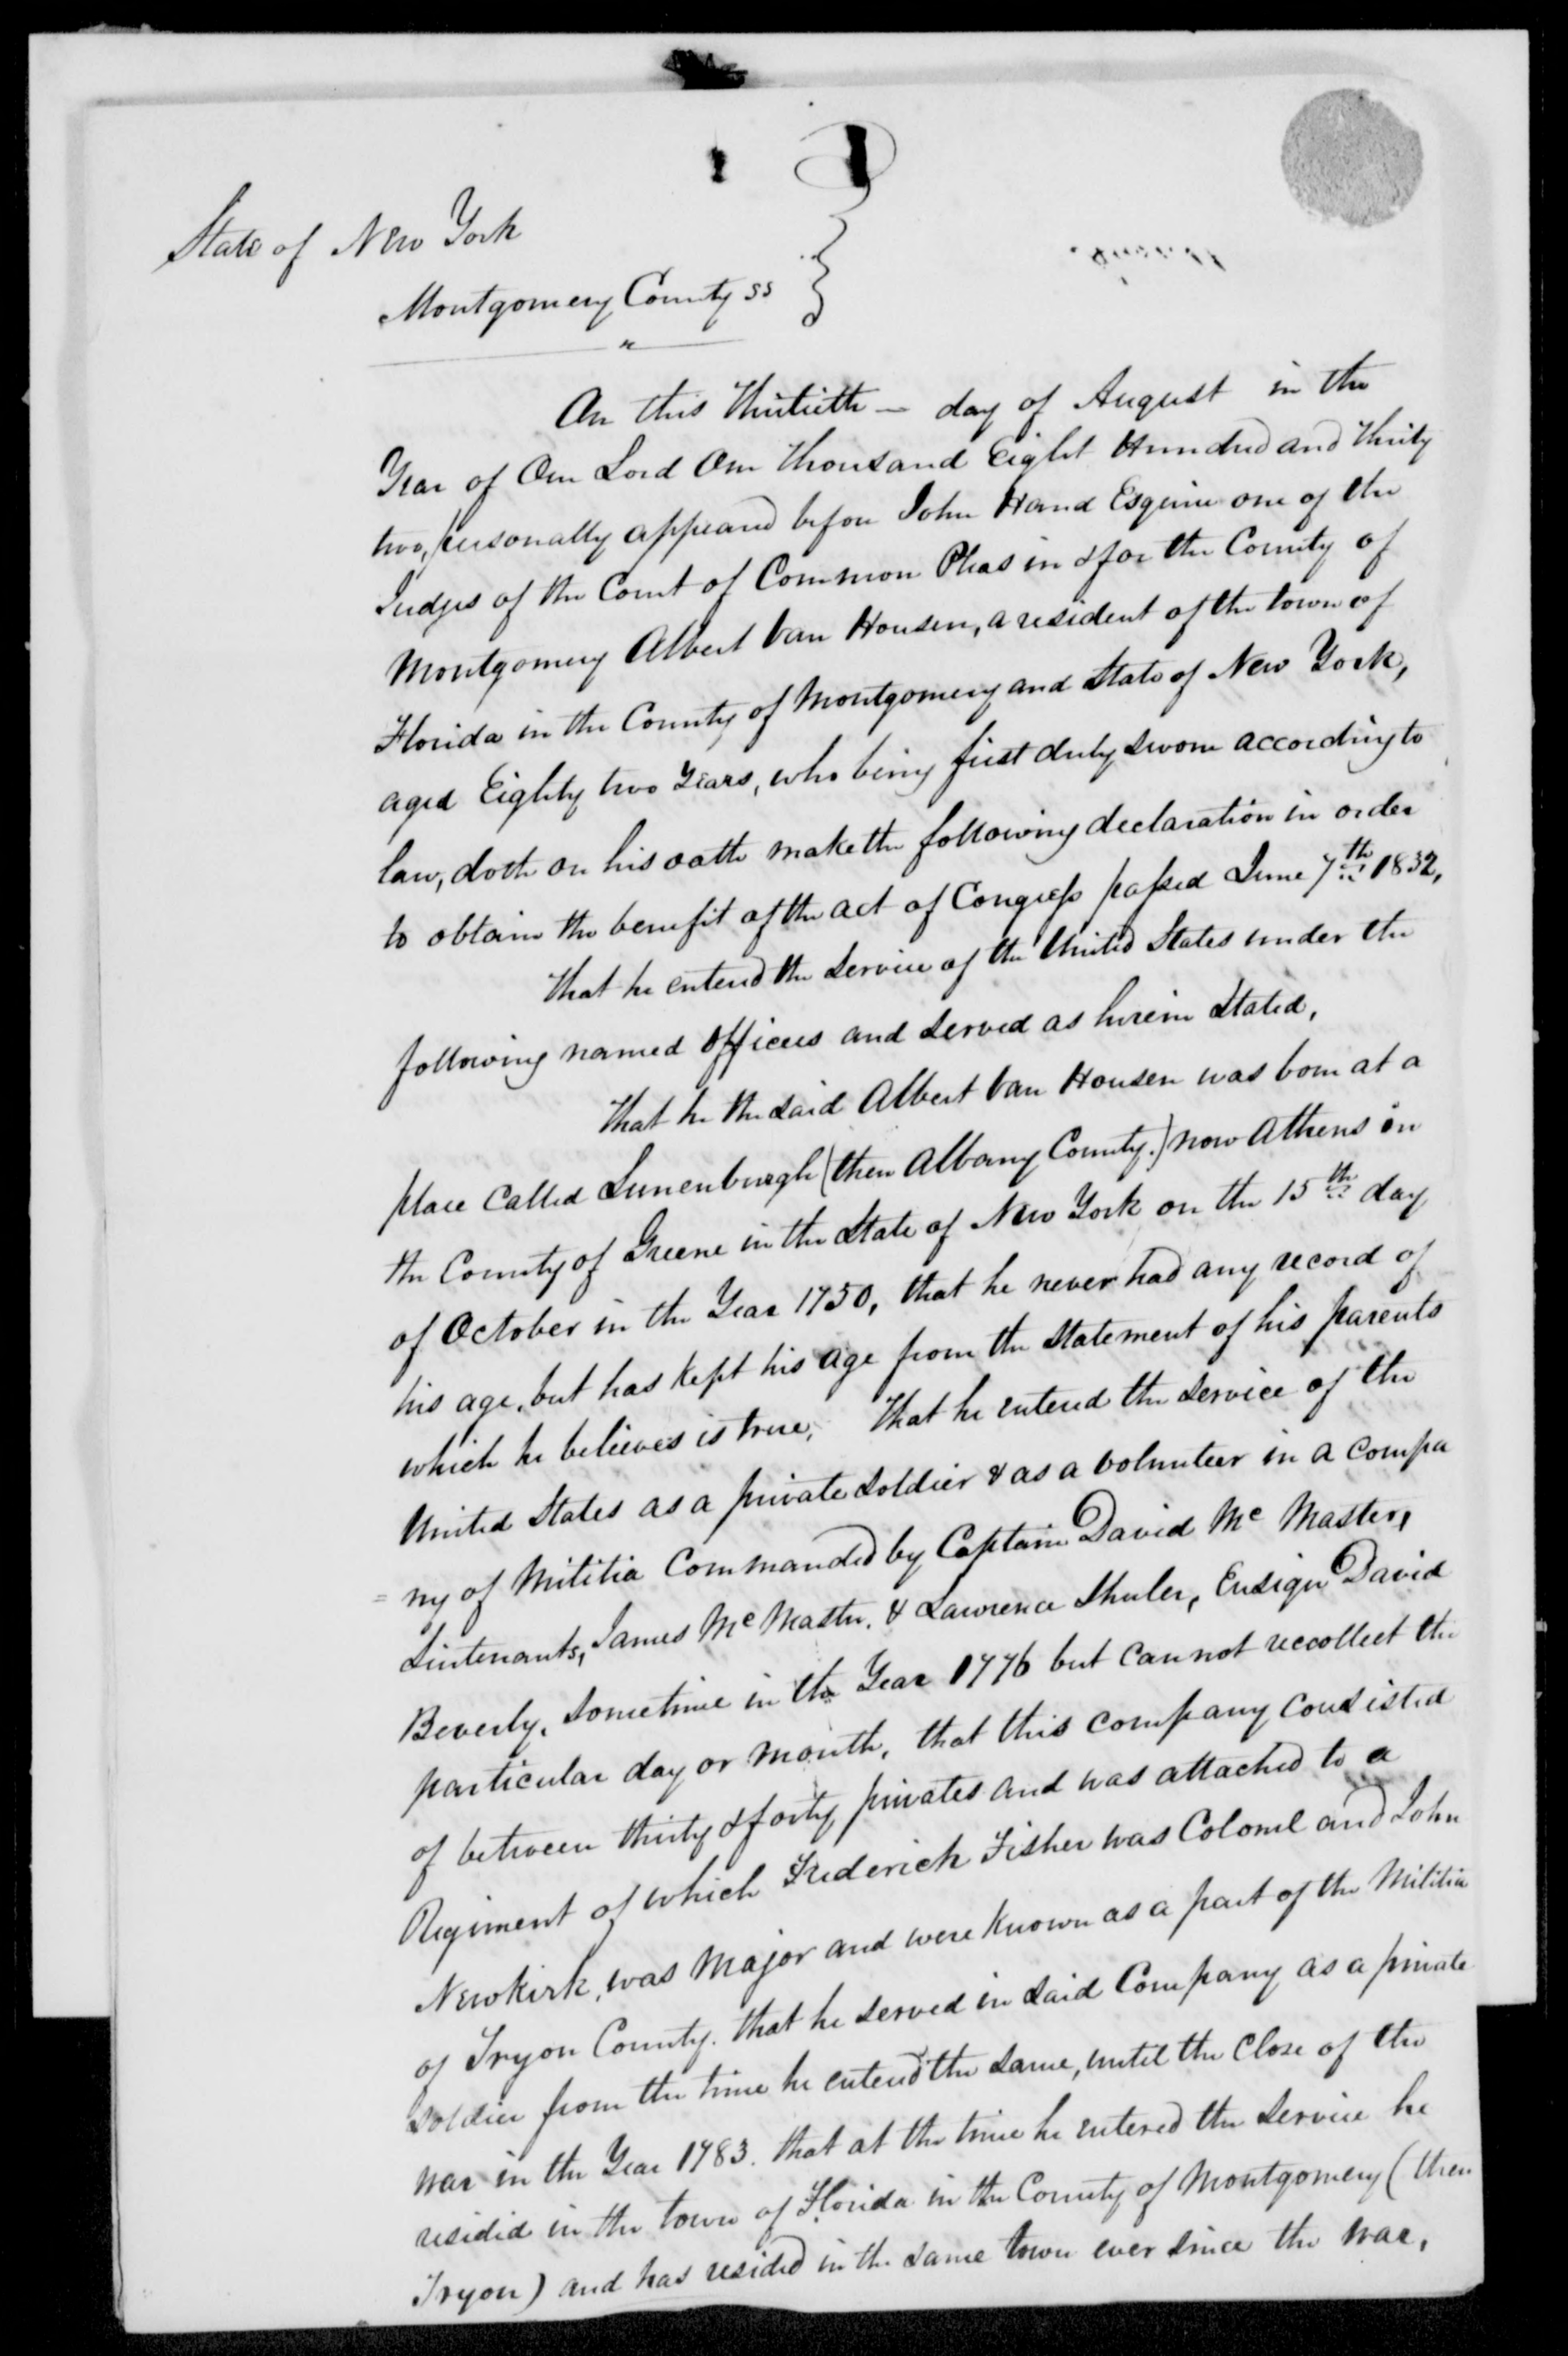State of New York 
Montgomery County SS }
On this Thirtieth day of August in the Year of Our Lord One thousand Eight Hundred and thirty two, personally appeared before John Hand Esquire one of the Judges of the Court of Common Pleas in & for the County of Montgomery Albert Van Housen, a resident of the town of Florida in the County of Montgomery and State of New York, aged Eighty two years, who being first duly sworn according to law, doth on his oath make the following declaration in order to obtain the benefit of the act of Congress passed June 7th 1832,
that he entered the service of the United States under the following named officers and served as herein stated, 
that he the said Albert Van Housen was born at a place called Lunenburgh (then Albany County,) now Athens in the County of Greene in the State of New York on the 15th day of October in the year 1750, that he never had any record of his age, but has kept his age from the statement of his parents which he believes is true. That he entered the service of the United States as a private soldier & as a volunteer in a company of Militia commanded by Captain David McMaster, Lieutenants, James McMaster & Lawrence Shuler, Ensign David Beverly. Sometime in the year 1776 but cannot recollect the particular day or month, that this company consisted of between thirty & forty privates and was attached to a Regiment of which Frederick Fisher was Colonel and John Newkirk, was Major and were known as a part of the Militia of Tryon County. that he served in said Company as a private from the time he entered the same, until the close of the War in the year 1783. that at the time he entered the service he resided in the town of Florida in the County of Montgomery (then Tryon) and has resided in the same town ever since the war,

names: Albert Van Housen, John Hand, John Newkirk, James Mc Master, David Beverly, Albert Van Housen, Frederick Fisher, Lawrence Shuler, David Mc Master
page: 8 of 57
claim: survivor's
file: S. 28,925, Albert Van Housen, New York